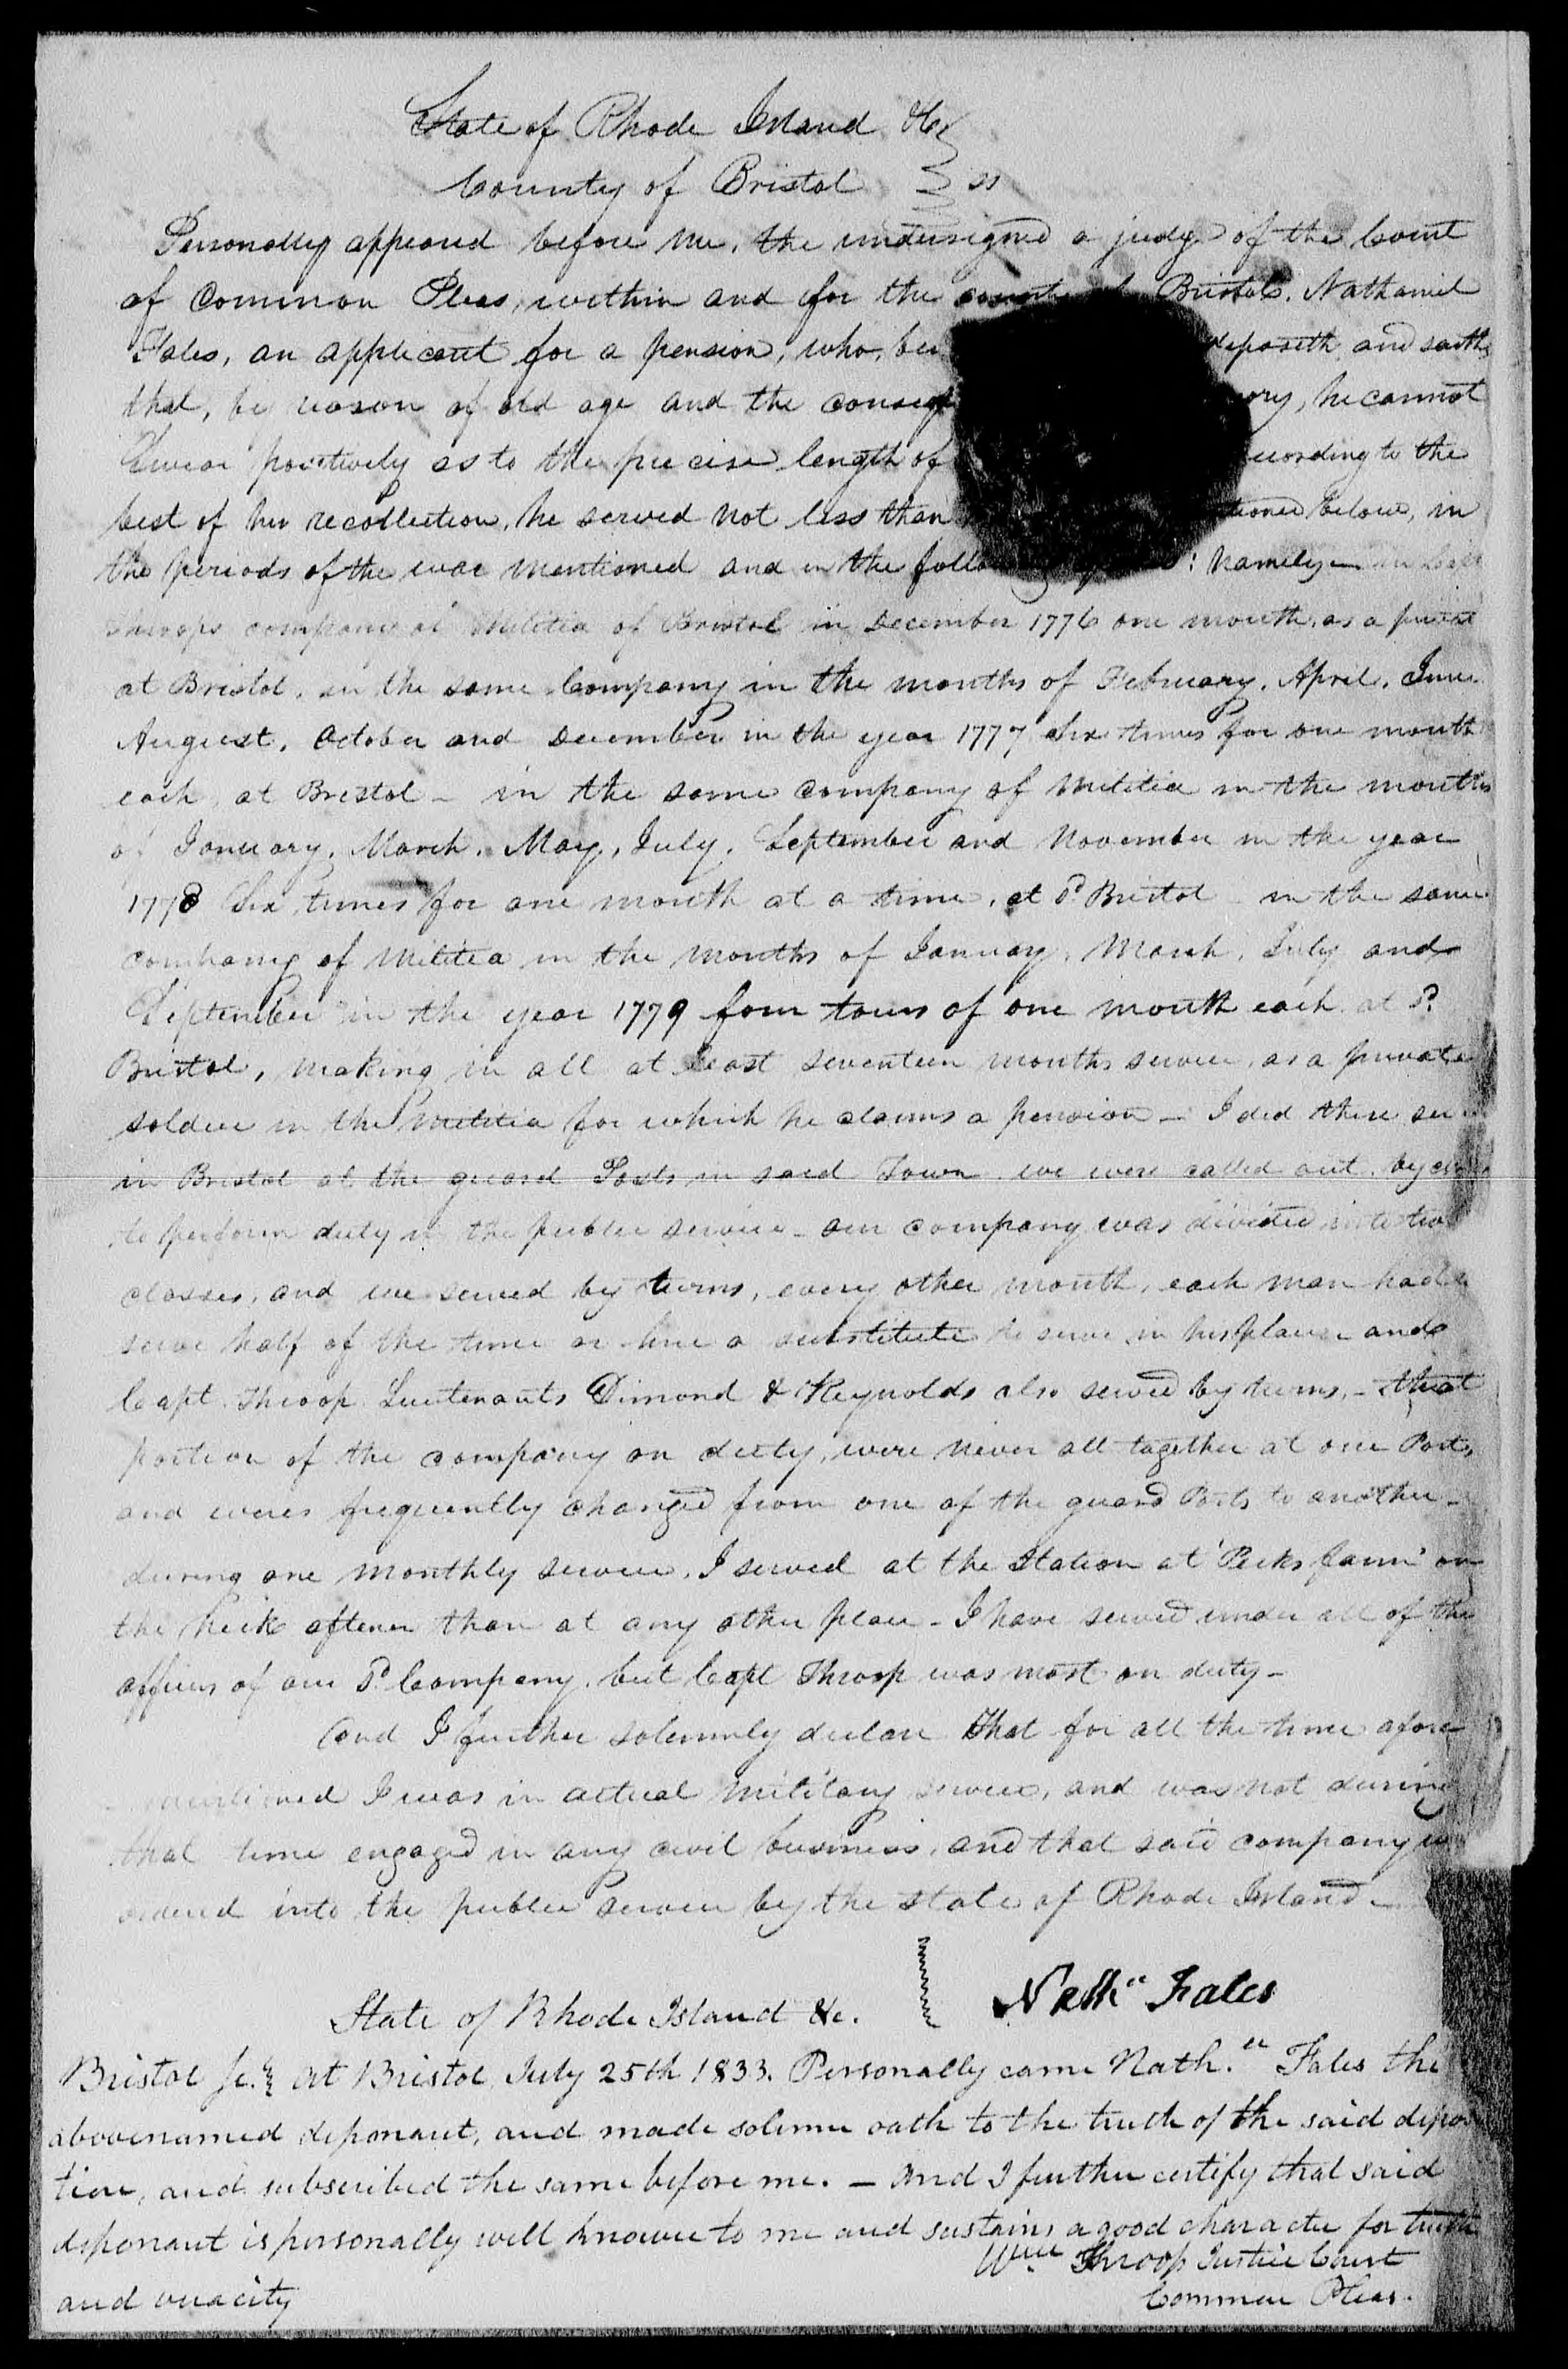State of Rhode Island
County of Bristol

Personally appeared before me the undersigned a judge of the court of common pleas within and for the county of Bristol. Nathaniel Fales an applicant for a pension who been [illegible due to a ink spot] deposeth and saith that by reason of old age and the conseq[illegible], he cannot swear positively as to the precise length of [illegible] according to the best of her recollection he served not les than [illegible] ..tioned below in the periods of the war mentioned and in the following [illegible] : namely - who is Throops copmany of militia of Bristol in December 1776 one month as a private at Bristol in the same company in the months of February, April, June August, October and December in the year 1777 the times for one month each at Bristol - in the same company of militia in the month of January, March, Mary, July, September and November in the year 1778 Six times for one month at a time at s.d Bristol in the same companyu of militia in the months of January, March, July and September in the year 1779 four tours of one month each at s.d Bristol, making in all at least seventeen months served as a private solderi in the militia for which he claims a pension - I did there in Bristol at the guard posts in said town we were called out by to perform duty in the public service - our company was divided into two classes and we served by turns every month each man had to serve half of the time or hire a substitute to serve in his palce and Capt. Throop Lieutentant Dimond & Reynolds also served by tours - that partner of the compnay on duty were never all together at once part, and were frequently changed from one of the guard posts to another during one monthly service. I served at the station at Peck's farm on the neck often than at any other plan - I have served under all of the officers of an s.d company but but Capt. Throop was most on duty. - 
And I further solemnly declare that for all the time afore mentioned I was in actual military served and was not during that time engaged in any civil business and that said company in ordered into the public service by the state of Rhode Island. 
Nath Fales

State of Rhode Island Bristol
At Bristol July 25th 1833. Personally came Nath.ll Fales the above named deponent and made solemn oath to the truth of the said deposition and subscribed the same before me. - And I further certify that said deponent is personally well known to me and sustains a good character for truth and veracity. 
Wm. Throop Justice Court
Common Pleas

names: Reynolds, Throop, Dimond, Natha Fales, Throop, Natha Fales, Wm Throop, Nathaniel Fales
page: 20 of 32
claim: widow's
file: W. 24,173, Nathaniel Fales, R.I.